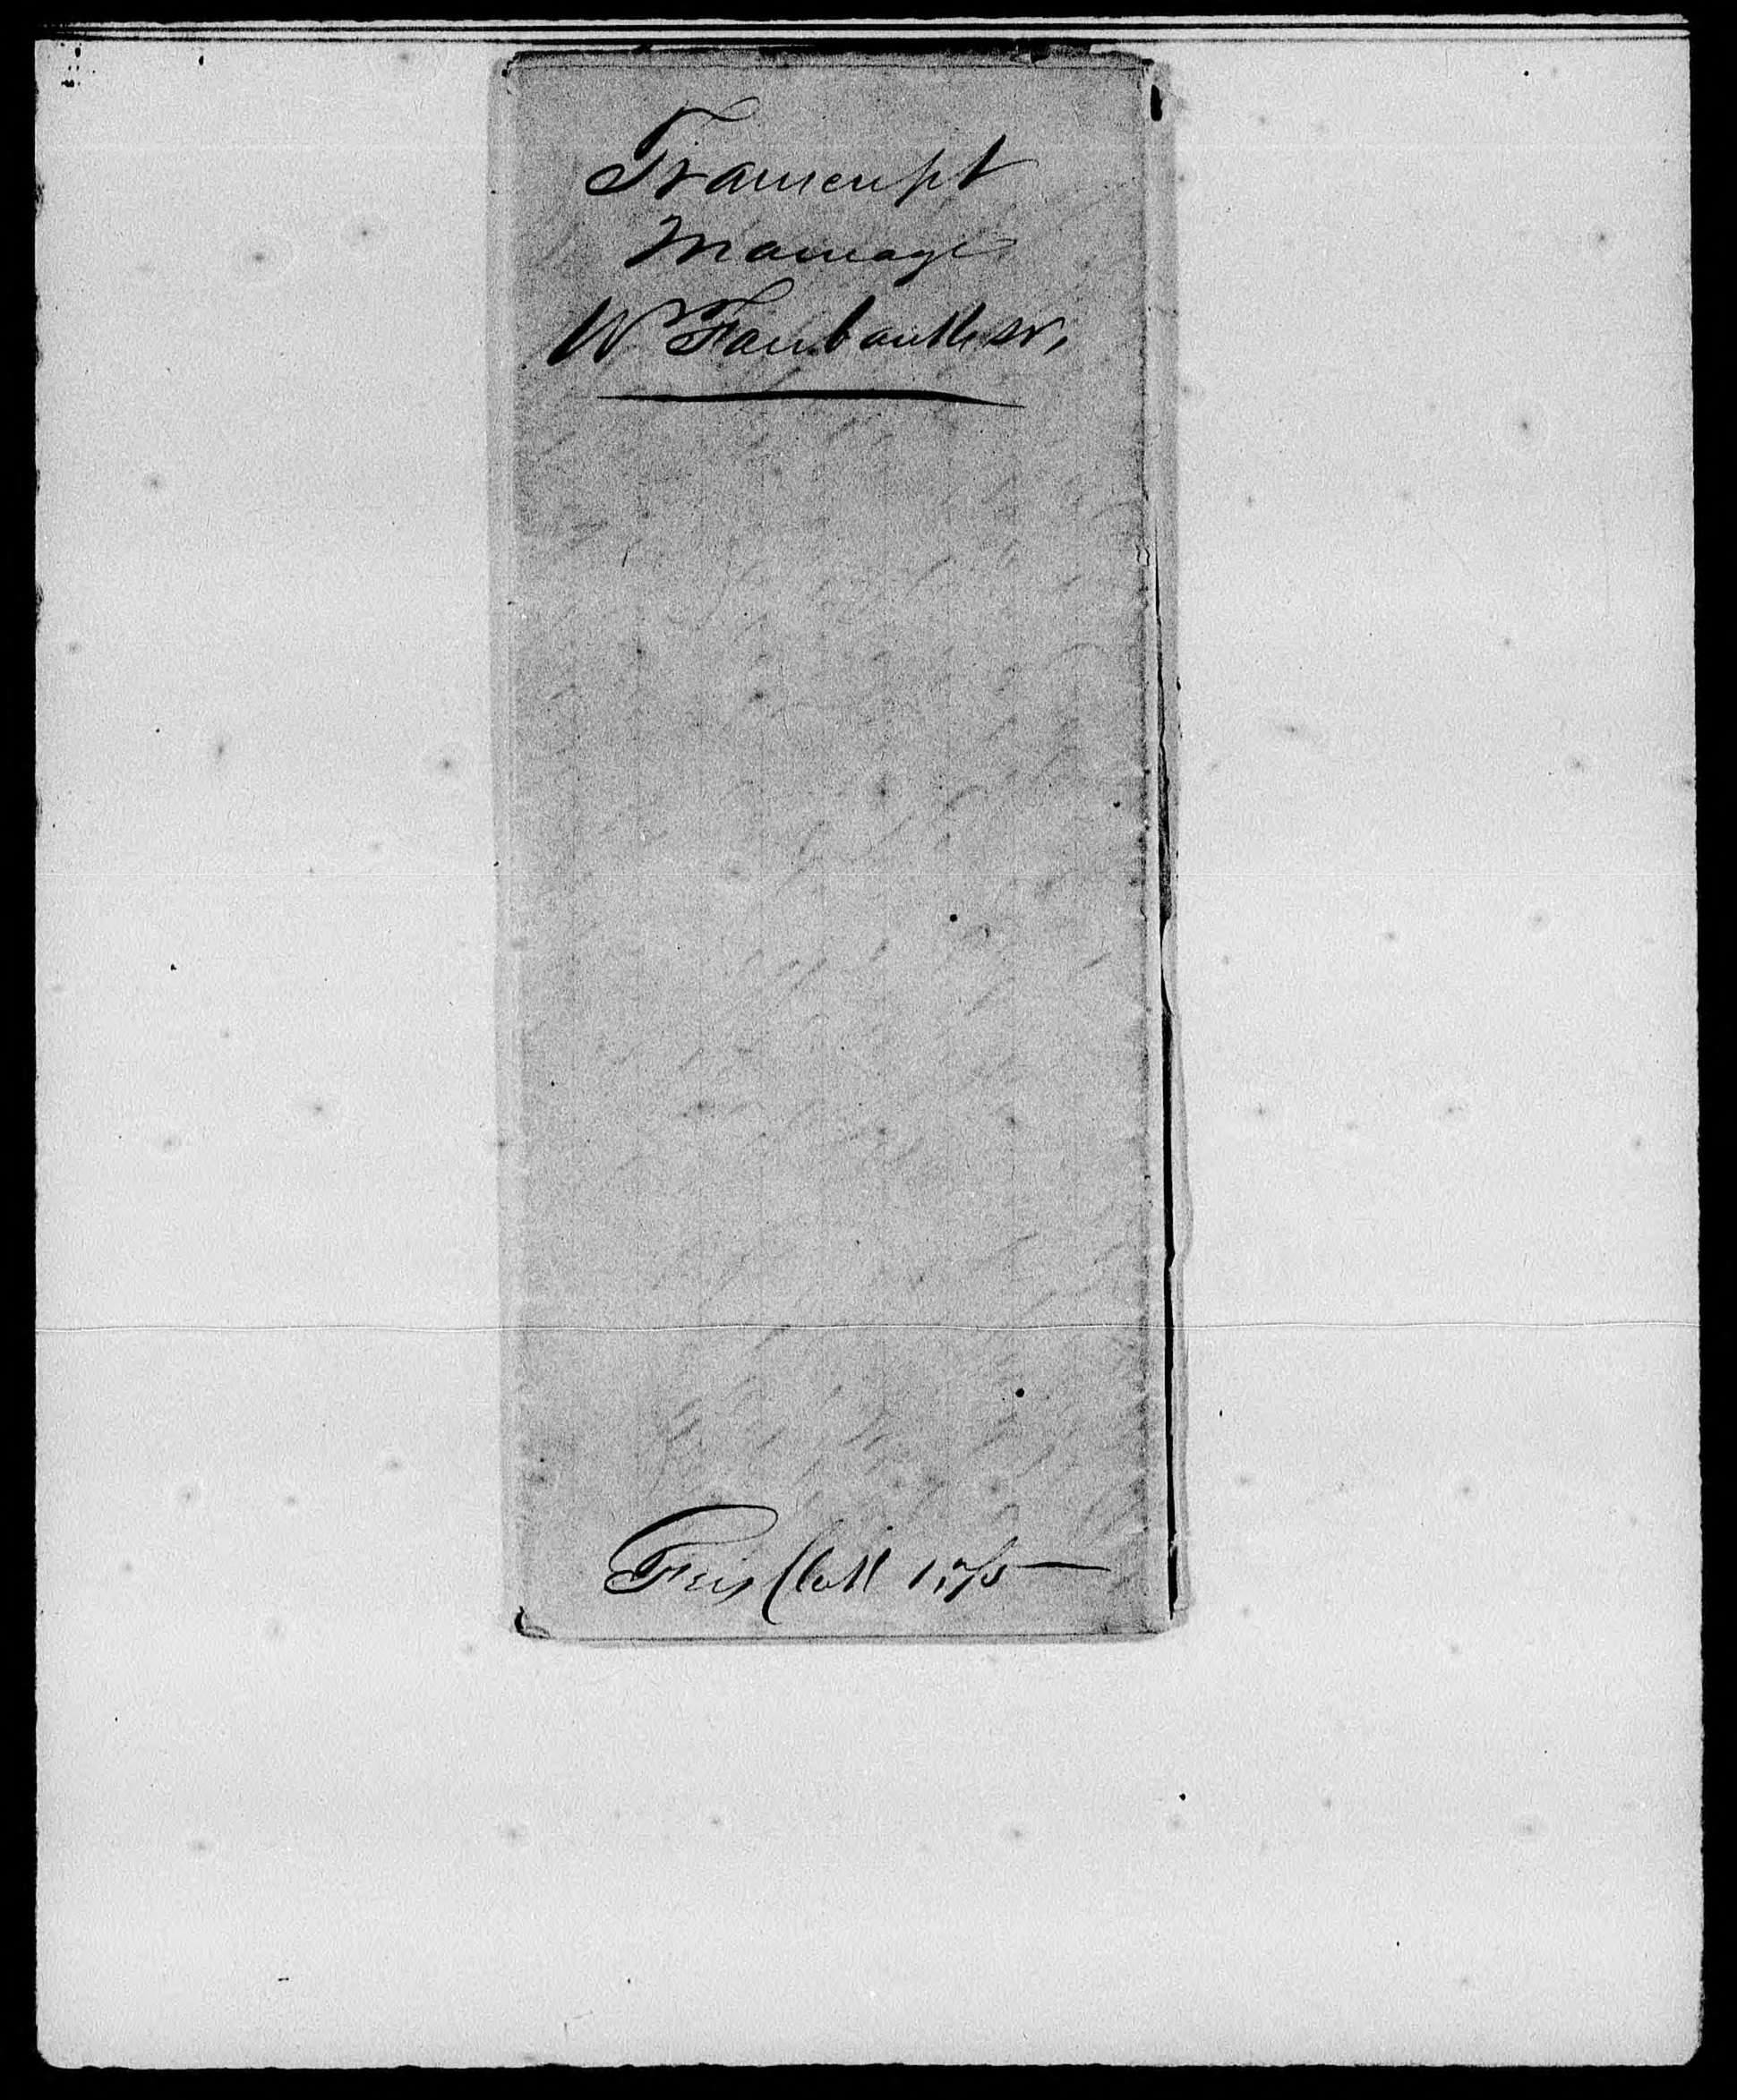Transcript
Marriage
W Fairbanks Sr
[illegible] 1.75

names: W Fairbank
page: 14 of 17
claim: rejected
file: R. 3423, William Fairbanks, R.I.